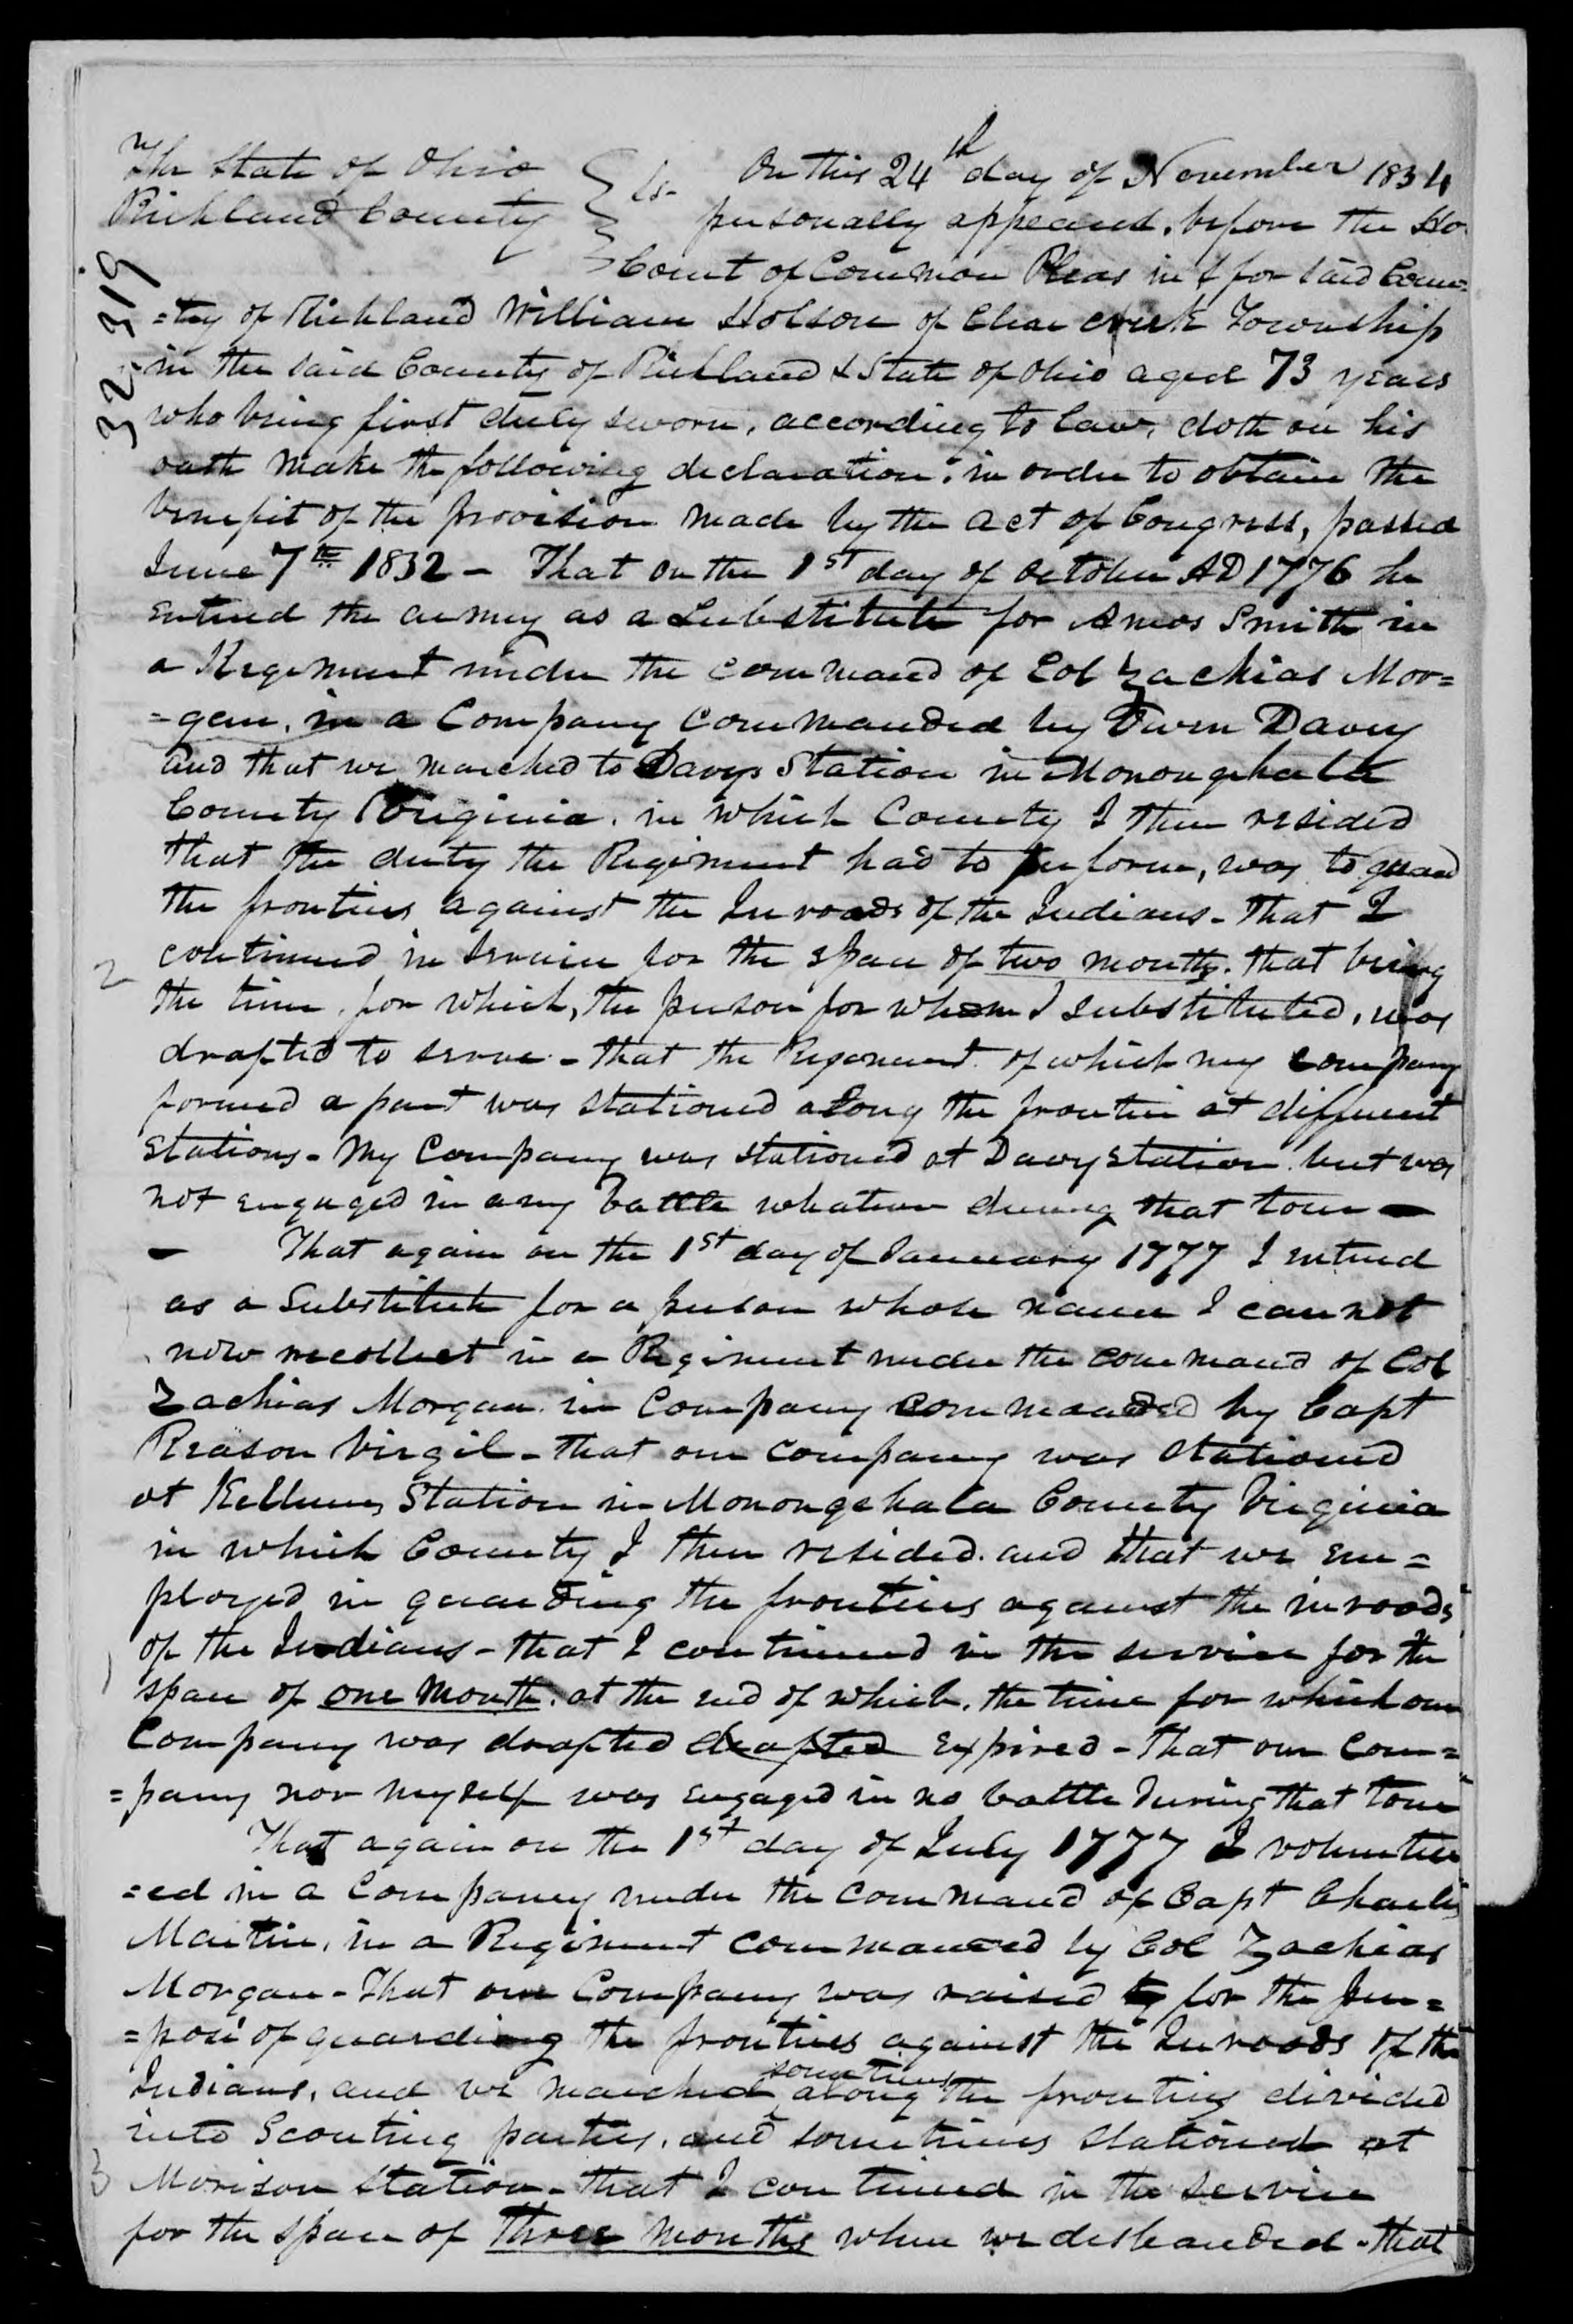The State of Ohio}
Richland County} ss
On this 24th day of November 1834 personally appeared before the Ho. Court of Common Pleas in & for said County of Richland William Holson of Clear Creek Township in the said County of Richland & State of Ohio aged 73 years who being first duly sworn, according to law, doth on his oath make the following declaration in order to obtain the benefit of the provision made by the Act of Congress, passed June 7ty 1832--That on the 1st day of October AD 1776 he entered the army as a Substitute for Amos Smith in a Regiment under the command of Col. Zackias Morgan, in a company commanded by Owen Davey and that we marched to Dayvs Station in Monongahela County Virginia, in which County I then resided that the duty the Regiment had to perform, was to guard the frontiers against the Inroads of the Indians. That I continued in Service for the space of two months, that being the time for which the person for whom I substituted, was drafted to serve - that the Regiment of which my company formed a part was stationed along the frontier at different stations. My Company was stationed at Davy Station but was not engaged in any battle whatever during that tour\That again on the 1st day of January 1777 I entered as a Substitute for a person whose name I cannot now recollect in a Regiment under the command of Col Zachias Morgan in Company commanded by Capt Reason Virgil. That our company was stationed at Kellims [sic] Station in Monongehala [sic] County Virginia in which County I then resided and that we employed in guarding the frontiers against the inroads of the Indians - that I continued in the service for the space of one month at the endo f which, the time for which our company was drafted [marked out: drafted] expired - That our company nor myself was engaged in no battle during that tour.
That again on the 1st day of July 1777 I volunteered in a Company under the command of Capt Charles Martin, in a Regiment commanded by Col Zachias Morgan. That our Company was raised for the purpose of guarding the frontiers against the Inroads of the Indians and we marched sometimes along the frontier divided into Scouting parties, and sometimes stationed at Morison Station. That I continued in the Service for the space of three months when we disbanded. that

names: Reason Virgil, Amos Smith, Charles Martin, Zachias Morgan, Zachias Morgan, Zachias Morgan, Owen Davey, William Holson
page: 3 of 33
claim: survivor's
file: S. 9587, William Holson, Va.